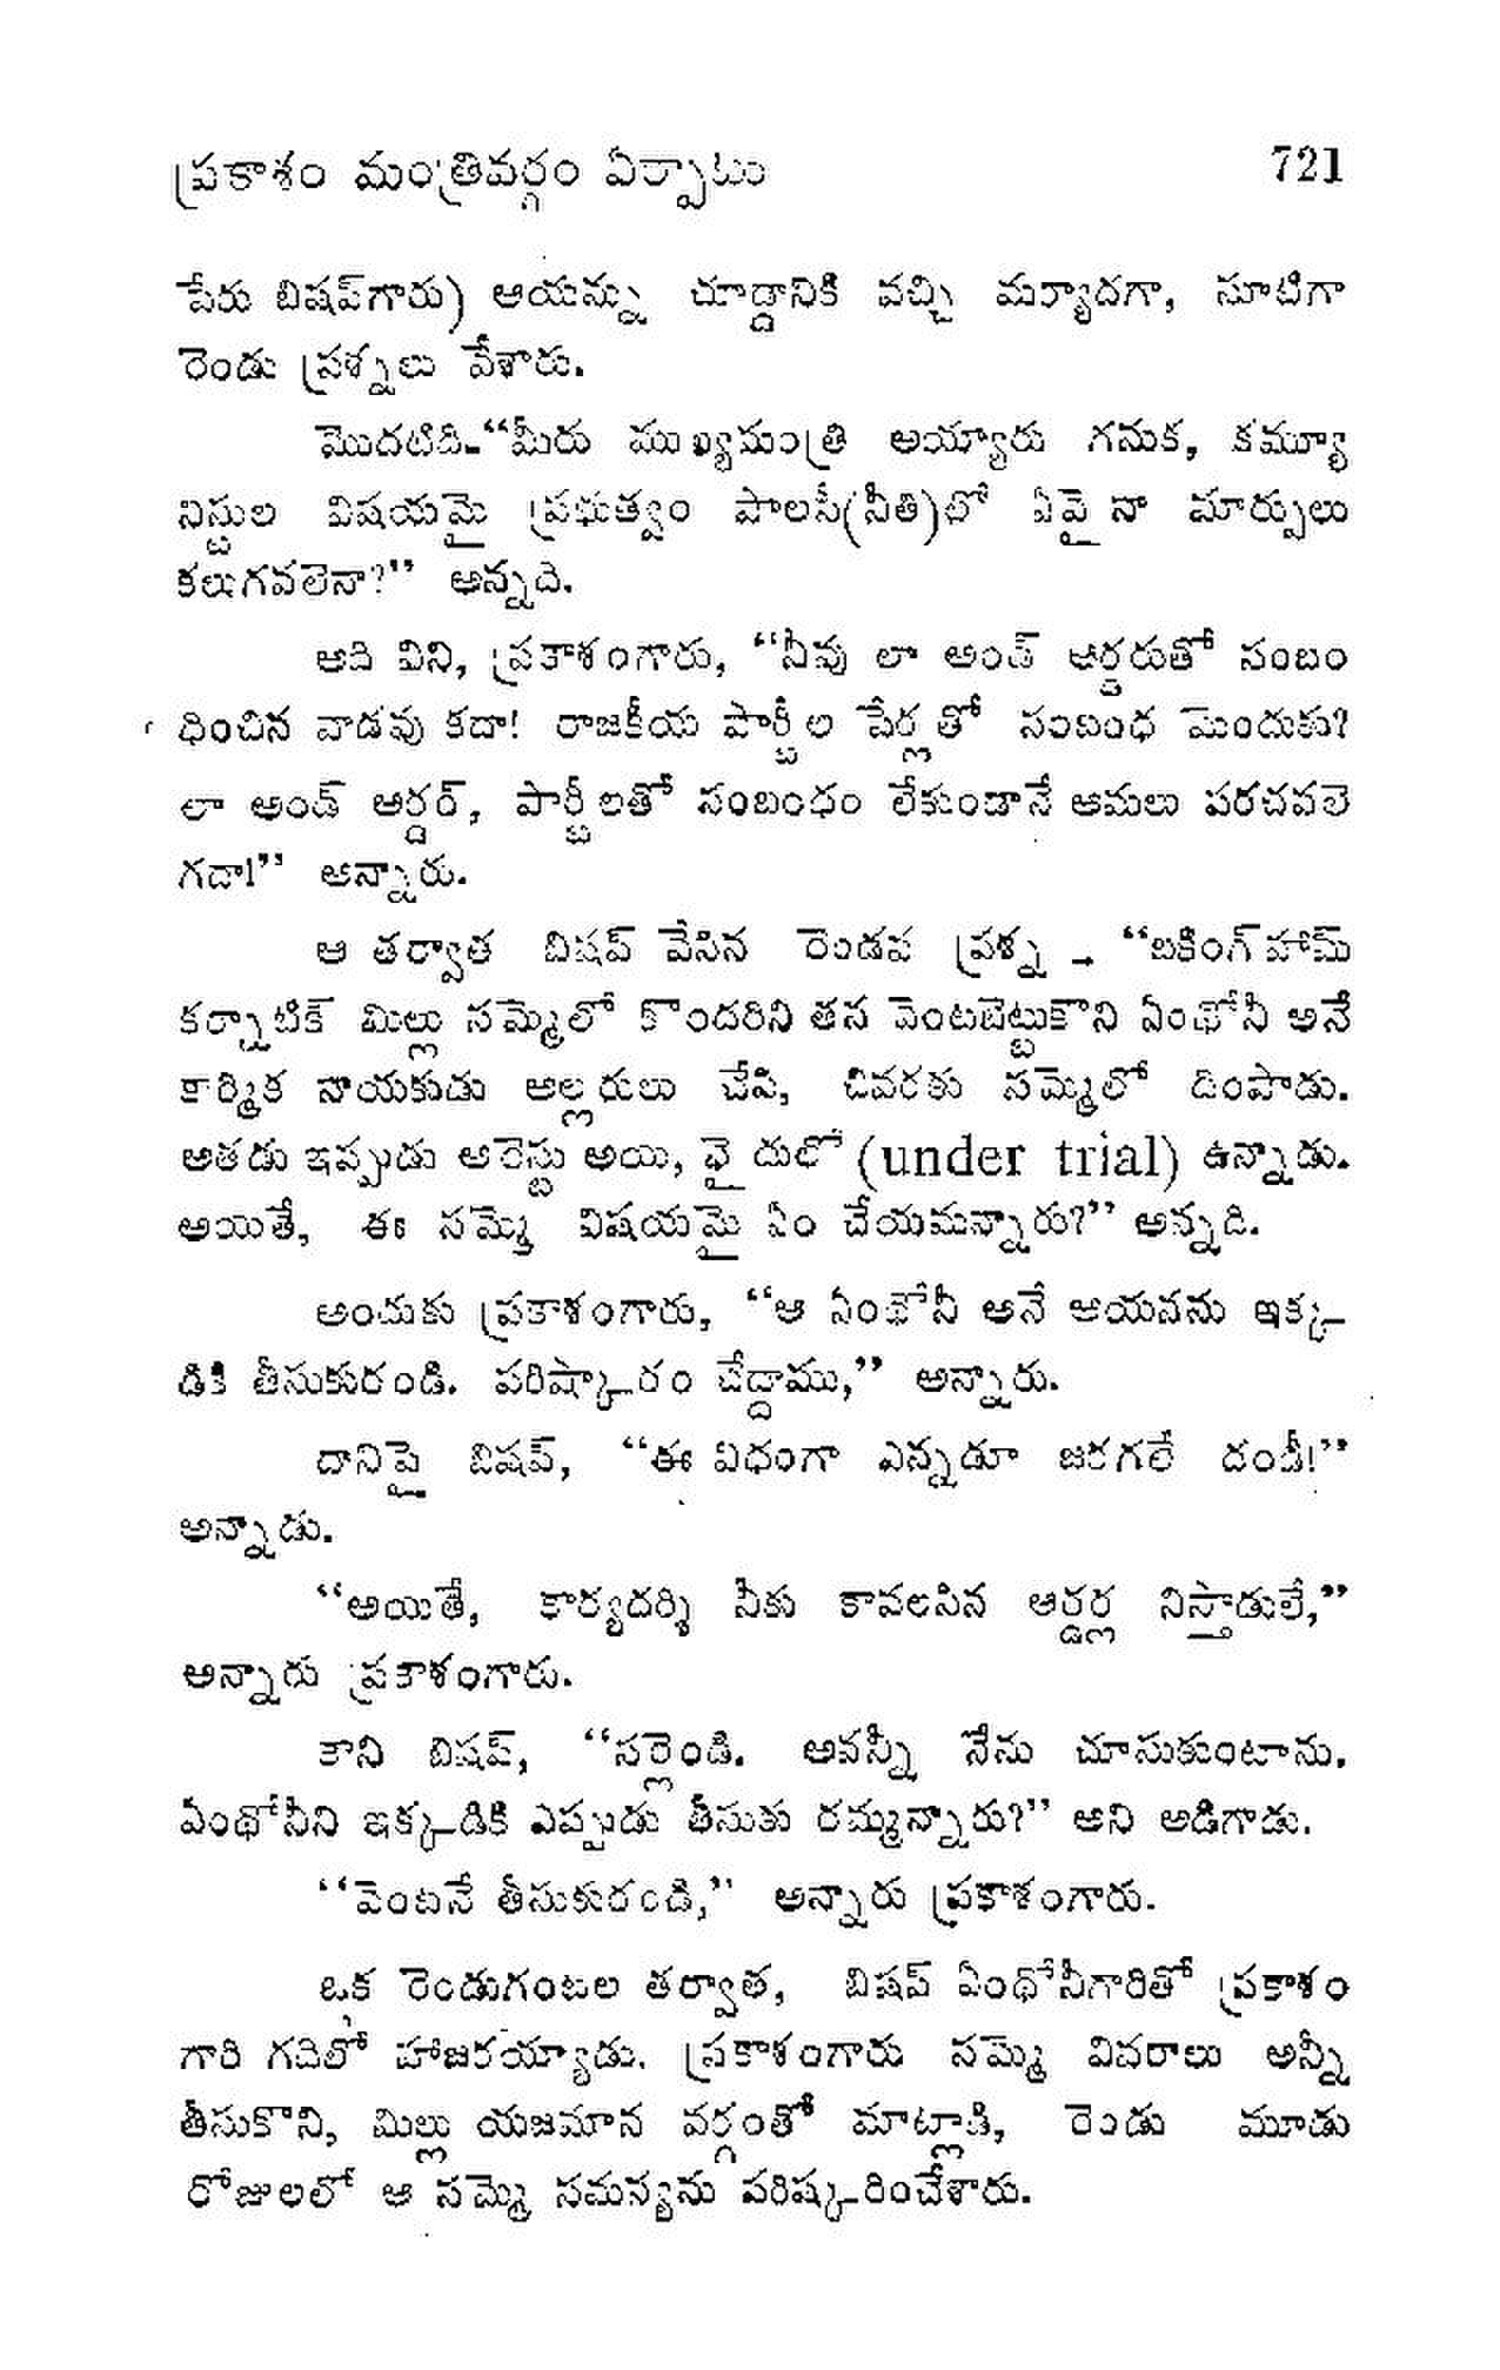పేరు బిషప్‌గారు) ఆయన్ను చూడ్డానికి వచ్చి మర్యాదగా, సూటిగా రెండు ప్రశ్నలు వేశారు.

మొదటిది - "మీరు ముఖ్యమంత్రి అయ్యారు గనుక, కమ్యూనిస్టుల విషయమై ప్రభుత్వం పాలసీ (నీతి)లో ఏవైనా మార్పులు కలుగవలెనా?" అన్నది.

అది విని, ప్రకాశంగారు, "నీవు లా అండ్ ఆర్డరుతో సంబంధించిన వాడవు కదా! రాజకీయ పార్టీల పేర్లతో సంబంధ మెందుకు? లా అండ్ ఆర్డర్, పార్టీలతో సంబంధం లేకుండానే అమలు పరచవలె గదా!" అన్నారు.

ఆ తర్వాత బిషప్ వేసిన రెండవ ప్రశ్న - "బకింగ్‌హామ్‌ కర్నాటిక్ మిల్లు సమ్మెలో కొందరిని తన వెంటబెట్టుకొని ఏంథోనీ అనే కార్మిక నాయకుడు అల్లరులు చేసి, చివరకు సమ్మెలో దింపాడు. అతడు ఇప్పుడు అరెస్టు అయి, ఖైదులో (under trial) ఉన్నాడు. అయితే, ఈ సమ్మె విషయమై ఏం చేయమన్నారు?" అన్నది.

అందుకు ప్రకాశంగారు, "ఆ ఏంథోనీ అనే ఆయనను ఇక్కడికి తీసుకురండి. పరిష్కారం చేద్దాము," అన్నారు.

దానిపై బిషప్, "ఈ విధంగా ఎన్నడూ జరగలే దండీ!" అన్నాడు.

"అయితే, కార్యదర్శి నీకు కావలసిన ఆర్డర్ల నిస్తాడులే," అన్నారు ప్రకాశంగారు.

కాని బిషప్, "సర్లెండి. అవన్నీ నేను చూసుకుంటాను. ఏంథోనీని ఇక్కడికి ఎప్పుడు తీసుకు రమ్మాన్నారు?" అని అడిగాడు.

"వెంటనే తీసుకురండి," అన్నారు ప్రకాశంగారు.

ఒక రెండుగంటల తర్వాత, బిషప్ ఏంథోనీగారితో ప్రకాశంగారి గదిలో హాజరయ్యాడు. ప్రకాశంగారు సమ్మె వివరాలు అన్నీ తీసుకొని, మిల్లు యజమాన వర్గంతో మాట్లాడి రెండు మూడు రోజులలో ఆ సమ్మె సమస్యను పరిష్కరించేశారు.